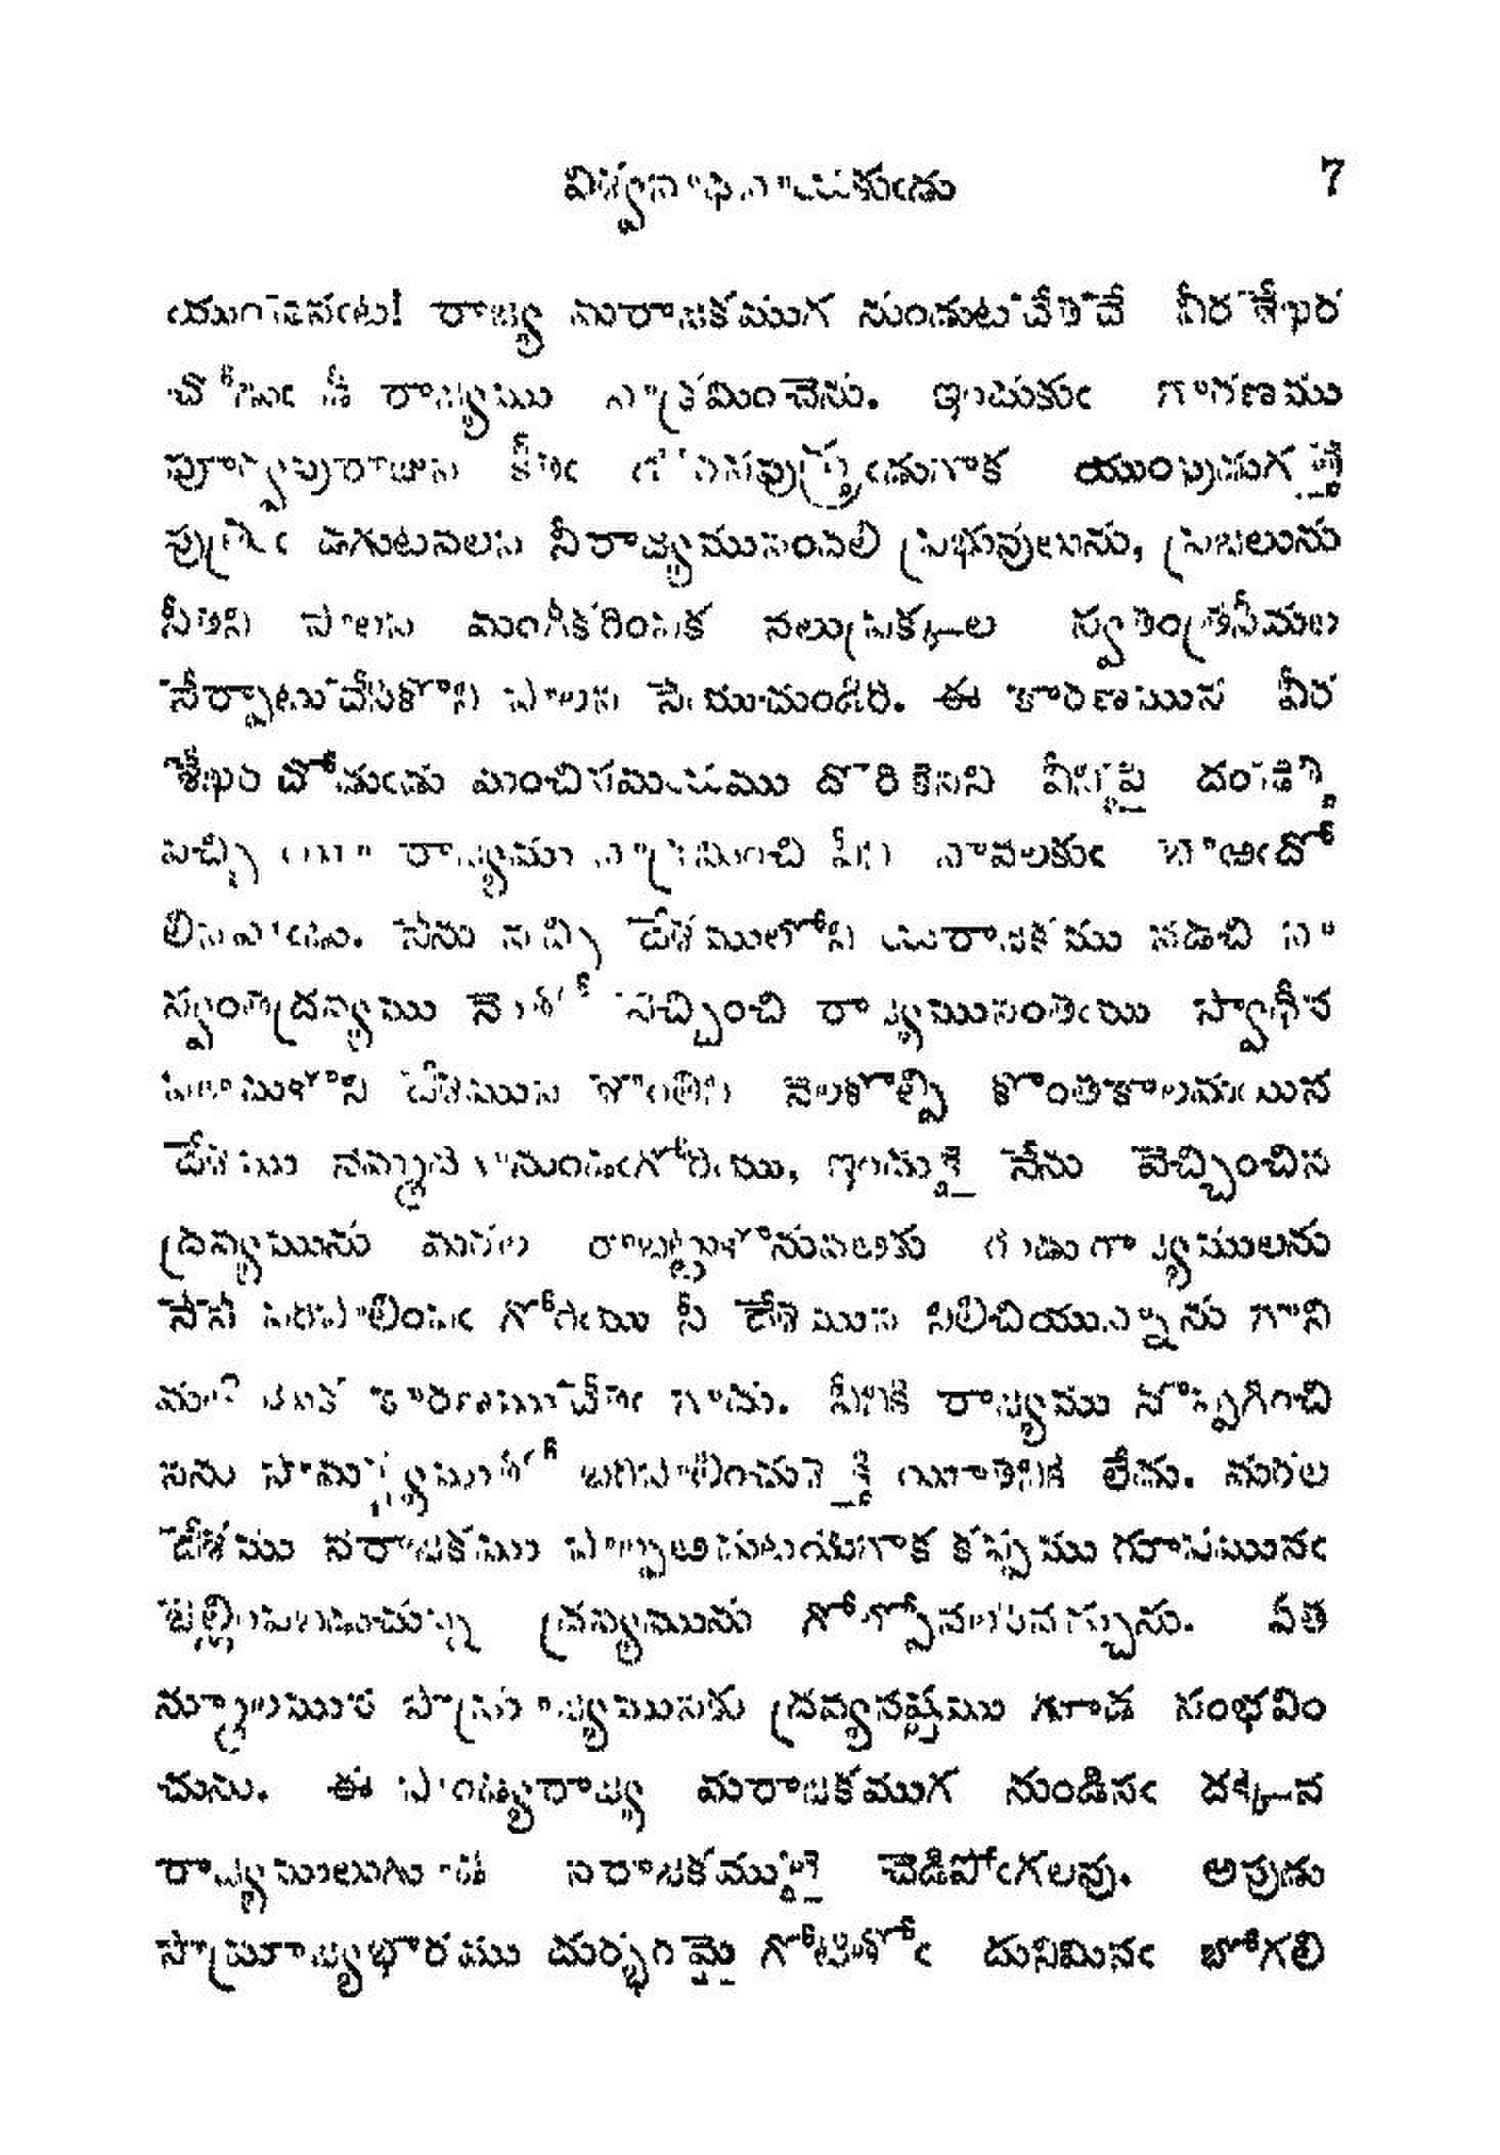యుండెనఁట! రాజ్య మరాజకముగ నుండుటచేతనే వీర శేఖరచోడుఁ డీ రాజ్యము నాక్రమించెను. ఇందుకుఁ గారణము పూర్వపురాజున కీతఁ డౌరసపుత్రుఁడుగాక యుంపుడుగత్తె పుత్రుఁ డగుటవలన నీరాజ్యమునందలి ప్రభువులును, ప్రజలును నీతని పాలన మంగీకరింపక నలుప్రక్కల స్వతంత్రసీమల నేర్పాటుచేసికొని పాలన సేయుచుండిరి. ఈ కారణమున వీరశేఖర చోడుఁడు మంచిసమయము దొరికినని వీనిపై దండెత్తి వచ్చి యీ రాజ్యము నాక్రమించి వీని నావలకుఁ బాఱఁదోలినవాఁడు. నేను వచ్చి దేశములోని యరాజకము నడచి నా స్వంతద్రవ్యము నెంతో వెచ్చించి రాజ్యమునంతయు స్వాధీన పఱచుకొని దేశమున శాంతిని నెలకొల్పి కొంతకాలమయిన దేశము నెమ్మదిగానుండఁగోరియు, ఇందుకై నేను వెచ్చించిన ద్రవ్యమును మరల రాబట్టుకొనువఱకు రెండురాజ్యములను నేనే పరిపాలింపఁ గోరియు నీ దేశమున నిలిచియున్నాను గాని మఱియొక కారణముచేతఁ గాదు. వీనికి రాజ్యము నొప్పగించినను సామర్థ్యముతో బరిపాలించుశక్తి యీతనికి లేదు. మరల దేశము నరాజకము పాల్పఱచుటయెగాక కప్పము రూమునఁ చెల్లింపబడుచున్న ద్రవ్యమును గోల్పోవలసివచ్చును. ఏతన్మూలమున సామ్రాజ్యమునకు ద్రవ్యనష్టము గూడ సంభవించును. ఈ పాండ్యరాజ్య మరాజకముగ నుండినఁ దక్కిన రాజ్యములుగూడ నరాజకములై చెడిపోఁగలవు. అపుడు సామ్రాజ్యభారము దుర్భరమై గోటితోఁ దునిమినఁ బోగలి